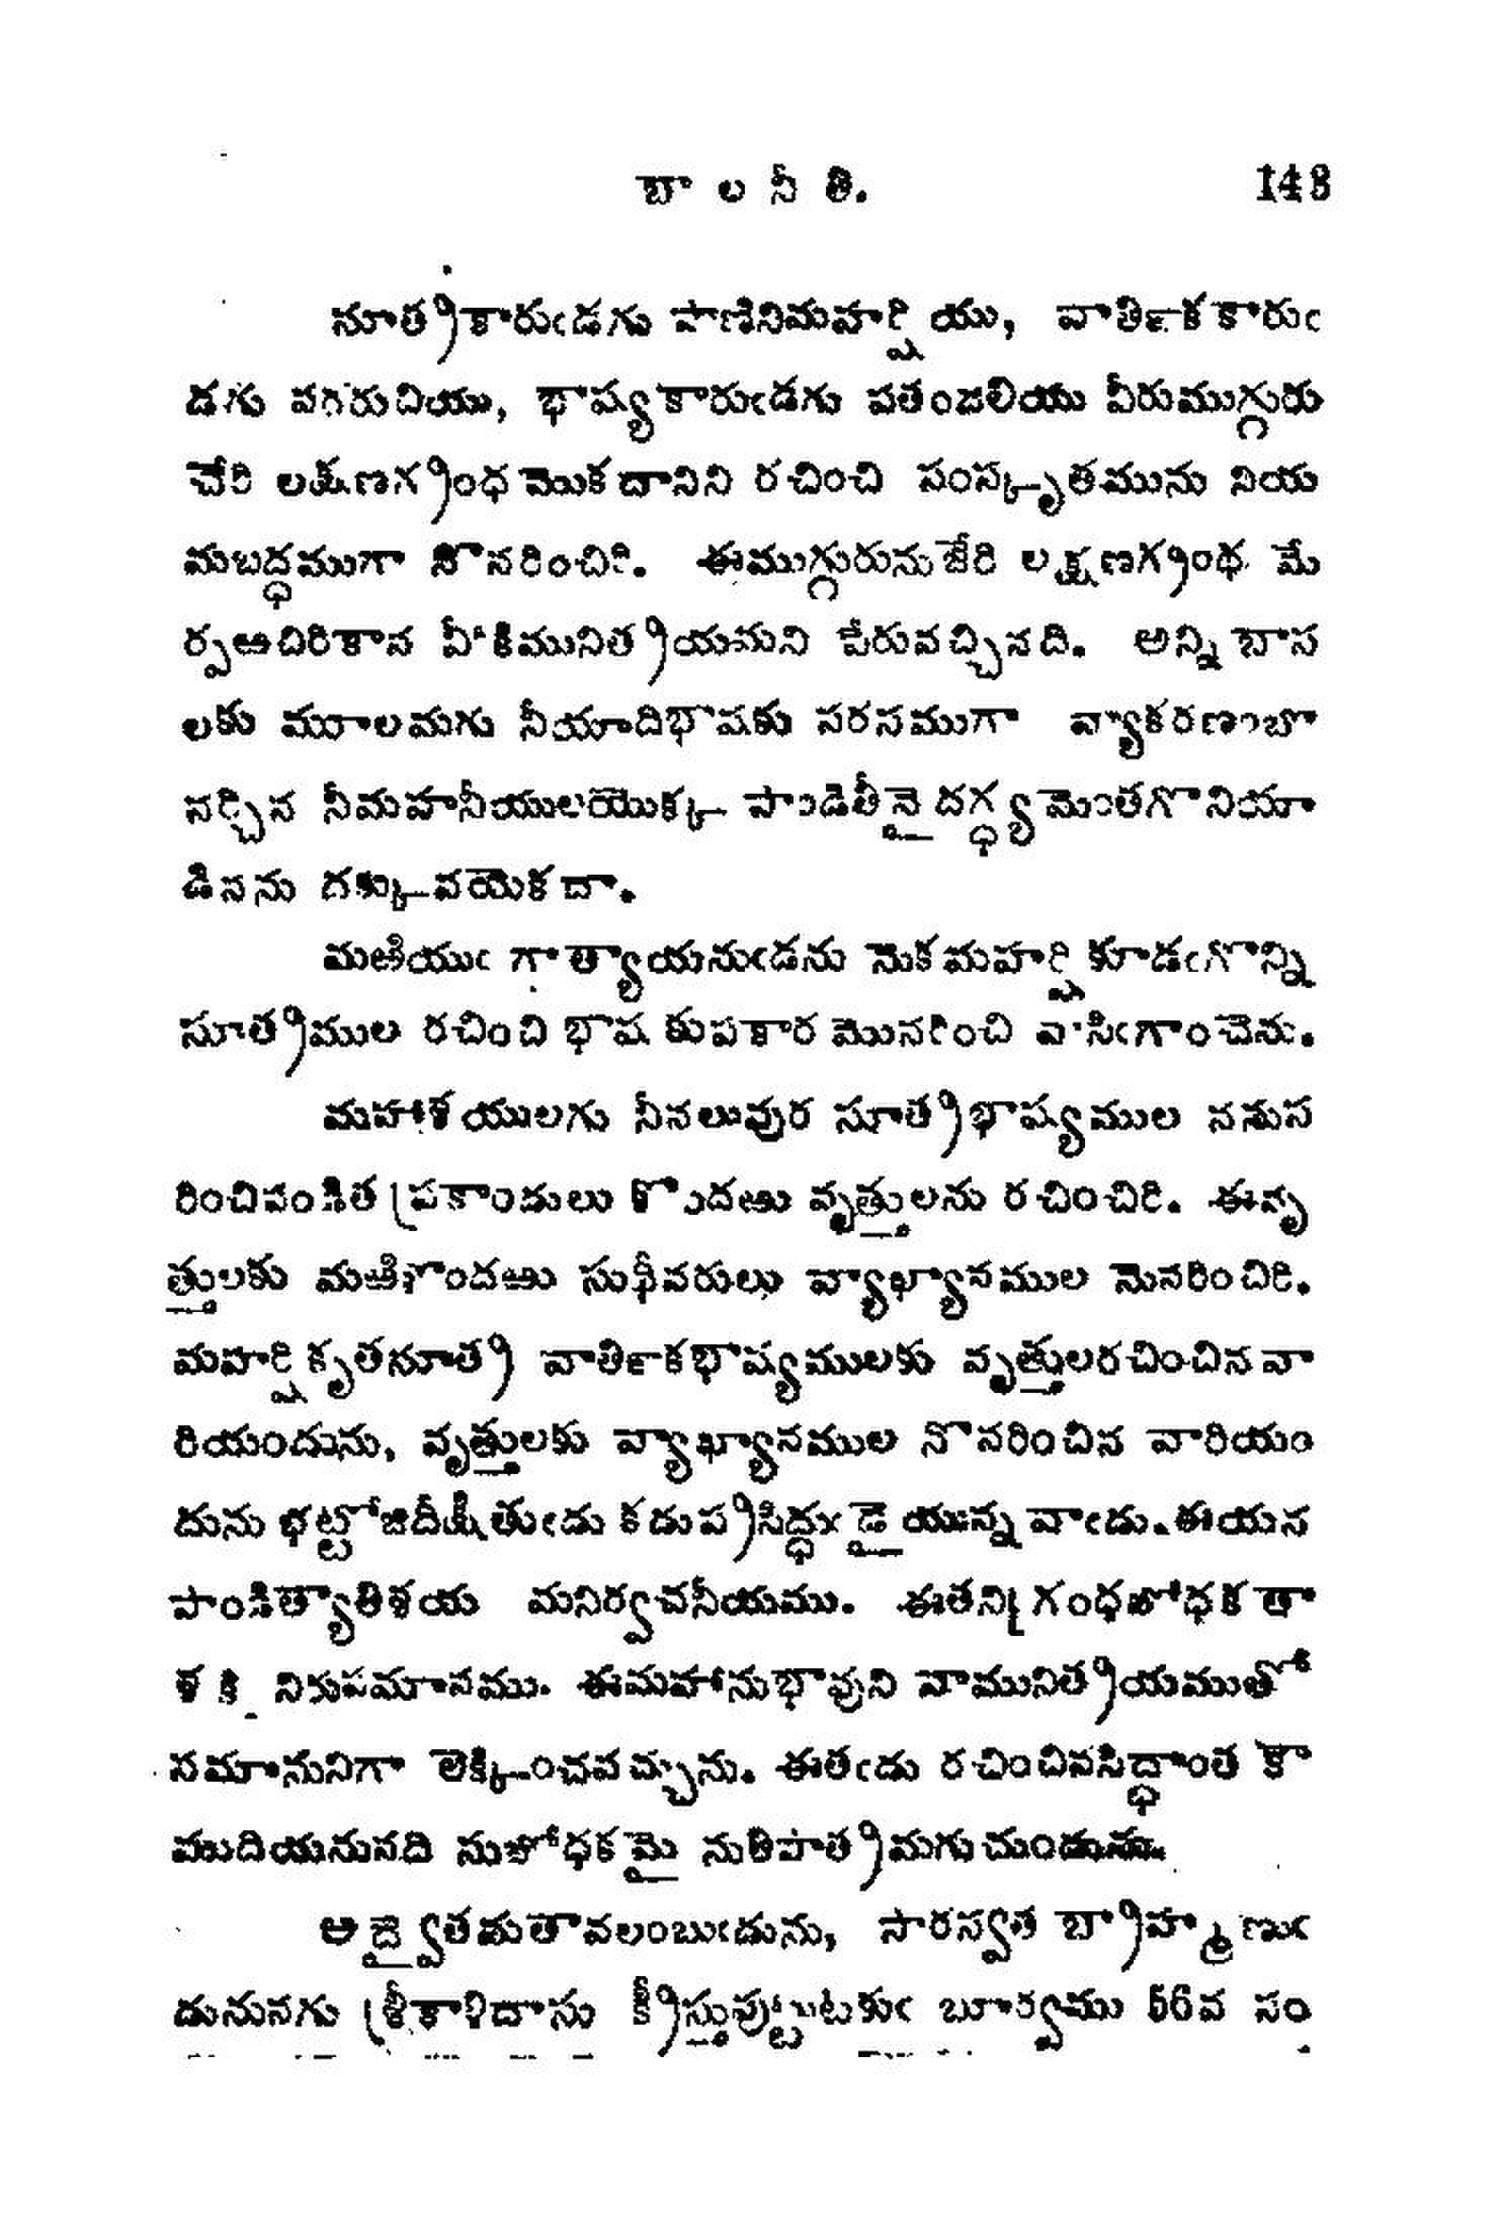సూత్రకారుఁడగు పాణినిమహర్షియు, వాతిన్‌కకారుఁ
డగు వరరుచియు, భాష్యకారుఁడగు పతంజలియు వీరుముగ్గురు
చేరి లక్షణగ్రంధమొకదానిని రచించి సంస్కృతమును నియ
మబద్ధముగా నొనరించిరి. ఈముగ్గురునుజేరి లక్షణగ్రంధ మే
ర్పఱచిరికాన వీరికిమునిత్రయమని పేరువచ్చినది. అన్ని బాష
లకు మూలమగు నీయాదిభాషకు సరసముగా వ్యాకరణంబొ
నర్చిన నీమహనీయులయొక్క పాండితీవైదగ్ధ్యమెంతగొనియా 
డినను దక్కువయెకదా.

మఱియుఁ గాత్యాయనుఁడను నొకమహర్షికూడఁగొన్ని
సూత్రముల రచించి భాష కుపకారమొనరించి వాసిఁగాంచెను.
 
మహాశయులగు నీనలువుర సూత్రభాష్యముల ననుస
రించిపండిత ప్రకాండులు కొందఱు వృత్తులను రచించిరి. ఈవృ
త్తులకు మఱికొందఱు సుధీవరులు వ్యాఖ్యానముల నొనరించిరి. 
మహర్షికృతసూత్ర వాతిన్‌కభాష్యములకు వృత్తులరచించినవా
రియందును, వృత్తులకు వ్యాఖ్యానముల నొనరించిన వారియం 
దును భట్టోజిదీక్షితుఁడు కడుప్రసిద్ధుఁడైయున్నవాఁడు. ఈయన 
పాండిత్యాతిశయ మనిర్వచనీయము. ఈతనిగ్రంధబోధకతా
శక్తి నిరుపమానము. ఈమహానుభావుని నామునిత్రయముతో 
సమానునిగా లెక్కించవచ్చును. ఈతఁడు రచించినసిద్ధాంత కౌ
ముదియనునది సుబోధకమై నుతిపాత్రమగుచుండును. 

అద్వైతమతావలంబుఁడును, సారస్వత బ్రాహ్మణుఁ 
డునునగు శ్రీకాళిదాసు క్రీస్తుపుట్టుటకుఁ బూర్వము 56వ సం